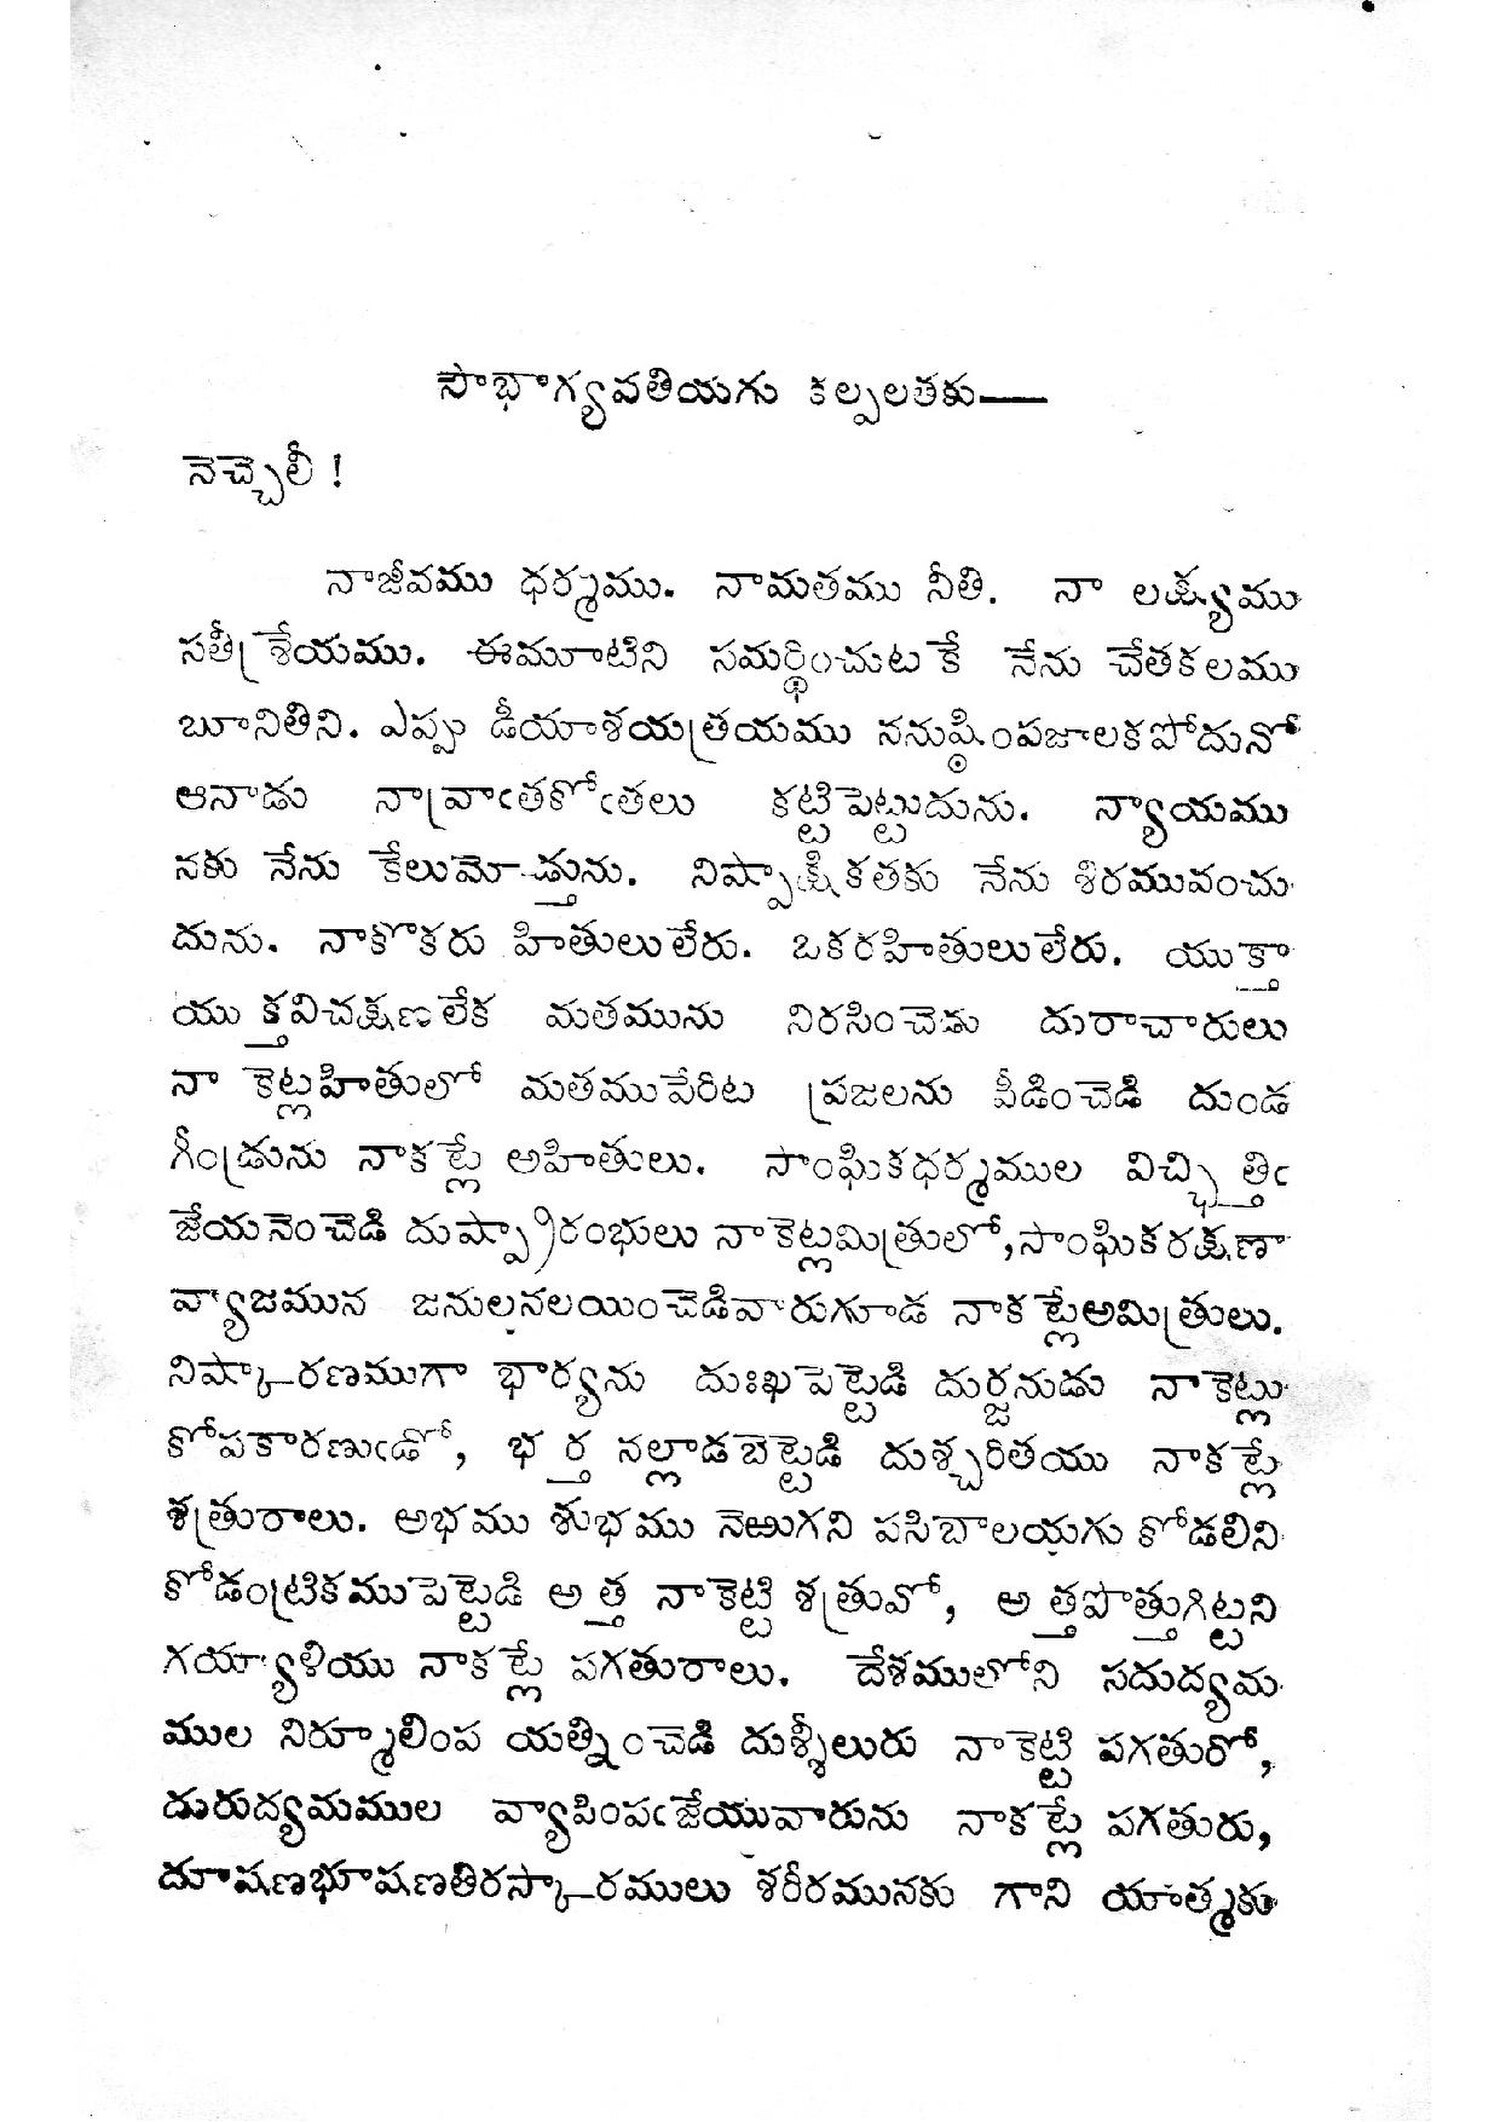నెచ్చెలీ !

నాజీవము ధర్మము. నామతము నీతి. నా లక్ష్యము సతీశ్రేయము. ఈమూటిని సమర్థించుటకే నేను చేతకలము బూనితిని. ఎప్పు డీయాశయత్రయము ననుష్ఠింపజాలకపోదునో ఆనాడు నావ్రాఁతకోఁతలు కట్టిపెట్టుదును. న్యాయమునకు నేను కేలుమోడ్తును. నిష్పాక్షికతకు నేను శిరమువంచుదును. నాకొకరు హితులులేరు. ఒకరహితులులేరు. యుక్తాయుక్తవిచక్షణలేక మతమును నిరసించెడు దురాచారులు నా కెట్లహితులో మతముపేరిట ప్రజలను పీడించెడి దుండగీండ్రును నాకట్లే అహితులు. సాంఘికధర్మముల విచ్ఛిత్తిఁజేయనెంచెడి దుష్ప్రారంభులు నాకెట్లమిత్రులో, సాంఘికరక్షణా వ్యాజమున జనులనలయించెడివారు గూడ నాకట్లేఅమిత్రులు. నిష్కారణముగా భార్యను దుఃఖపెట్టెడి దుర్జనుడు నాకెట్లు కోపకారణుఁడో, భర్త నల్లాడబెట్టెడి దుశ్చరితయు నాకట్లే శత్రురాలు. అభము శుభము నెఱుగని పసిబాలయగు కోడలిని
కోడంట్రికముపెట్టెడి అత్త నాకెట్టి శత్రువో, అత్తపొత్తుగిట్టని గయ్యాళియు నాకట్లే పగతురాలు. దేశములోని సదుద్యమముల నిర్మూలింప యత్నించెడి దుశ్శీలురు నాకెట్టి పగతురో, దురుద్యమముల వ్యాపింపఁజేయువారును నాకట్లే పగతురు, దూషణభూషణతిరస్కారములు శరీరమునకు గాని యాత్మకు